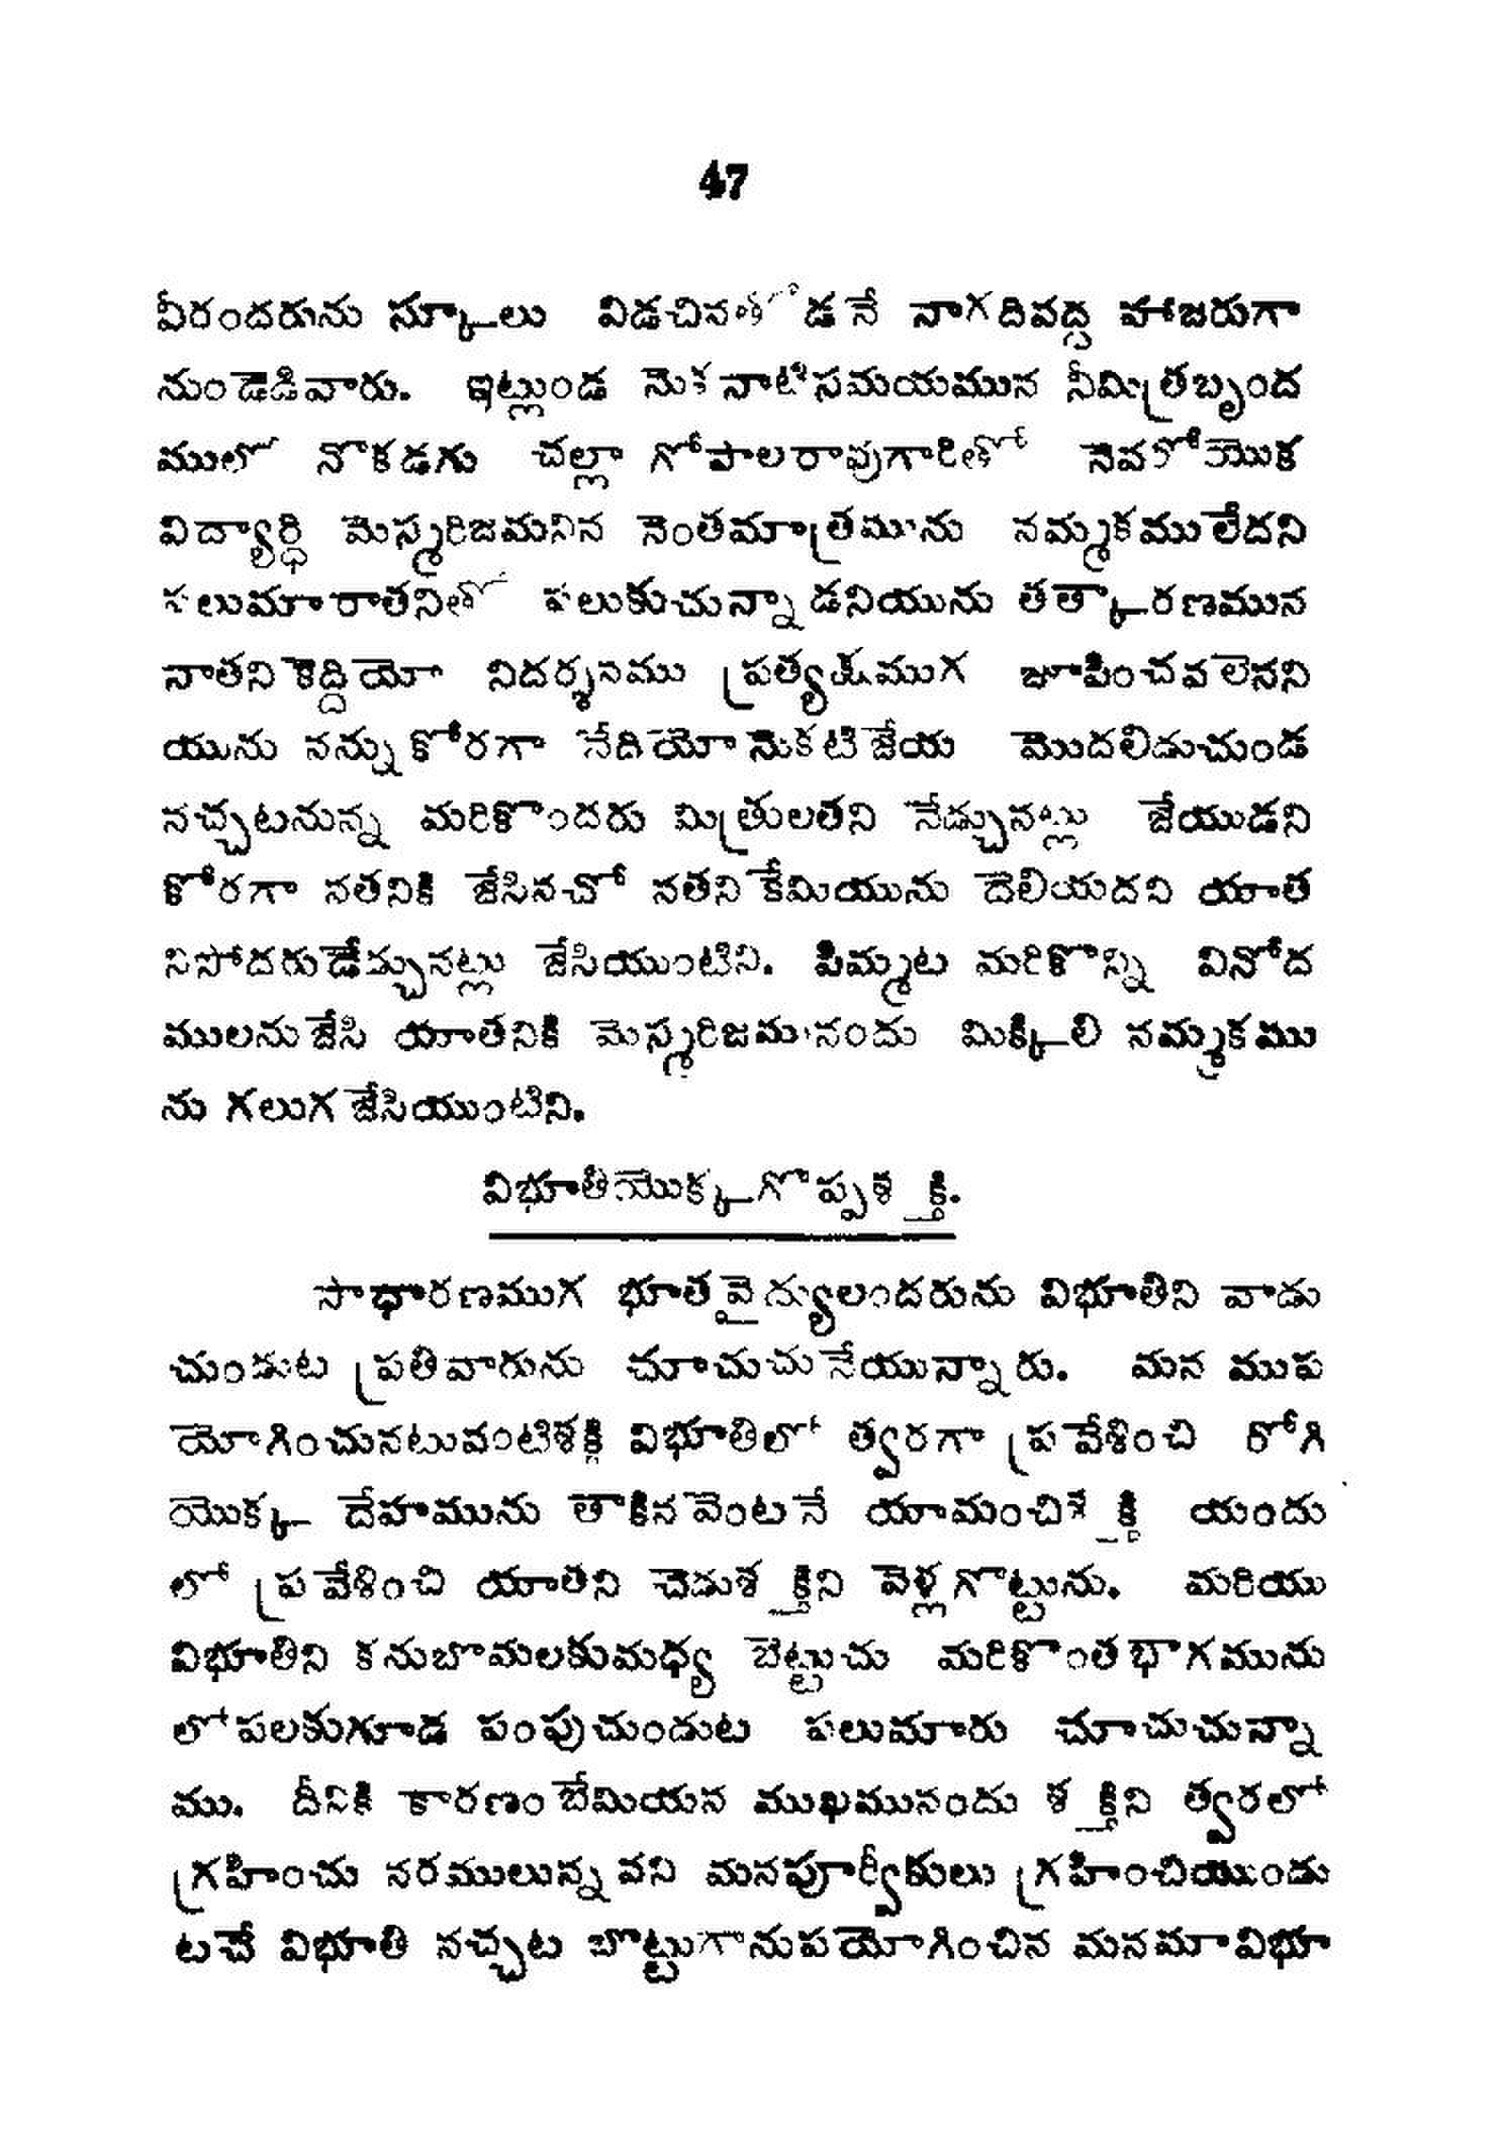వీరందరును స్కూలు విడచినతోడనే నాగదివద్ద హాజరుగా నుండెడివారు. ఇట్లుండ నొకనాటి సమయమున నీమిత్రబృందములో నొకడగు చల్లా గోపాలరావుగారితో నెవరో యొక విద్యార్థి మెస్మరిజమనిన నెంతమాత్రమును నమ్మకములేదని పలుమారాతనితో పలుకుచున్నాడనియును తత్కారణమున నాతనికెద్దియో నిదర్శనము ప్రత్యక్షముగ జూపించవలెననియును నన్నుకోరగా నేదియోనొకటిజేయ మొదలిడుచుండ నచ్చటనున్న మరికొందరు మిత్రులతని నేడ్చునట్లు జేయుడని
కోరగా నతనికి జేసినచో నతని కేమియును దెలియదని యాతనిసోదరుడేడ్చునట్లు జేసియుంటిని. పిమ్మట మరికొన్ని వినోదములనుజేసి యాతనికి మెస్మరిజమునందు మిక్కిలి నమ్మకమును గలుగ జేసియుంటిని.

సాధారణముగ భూతవైద్యులందరును విభూతిని వాడుచుండుట ప్రతివారును చూచుచునే యున్నారు. మన ముపయోగించునటువంటిశక్తి విభూతిలో త్వరగా ప్రవేశించి రోగియొక్క దేహమును తాకినవెంటనే యామంచిశక్తి యందులో ప్రవేశించి యాతని చెడుశక్తిని వెళ్లగొట్టును. మరియు
విభూతిని కనుబొమలకుమధ్య బెట్టుచు మరికొంత భాగమును లోపలకుగూడ పంపుచుండుట పలుమారు చూచుచున్నాము. దీనికి కారణం బేమియన ముఖమునందు శక్తిని త్వరలో గ్రహించు నరములున్న వని మనపూర్వీకులు గ్రహించియుండుటచే విభూతి నచ్చట బొట్టుగానుపయోగించిన మనమావిభూ